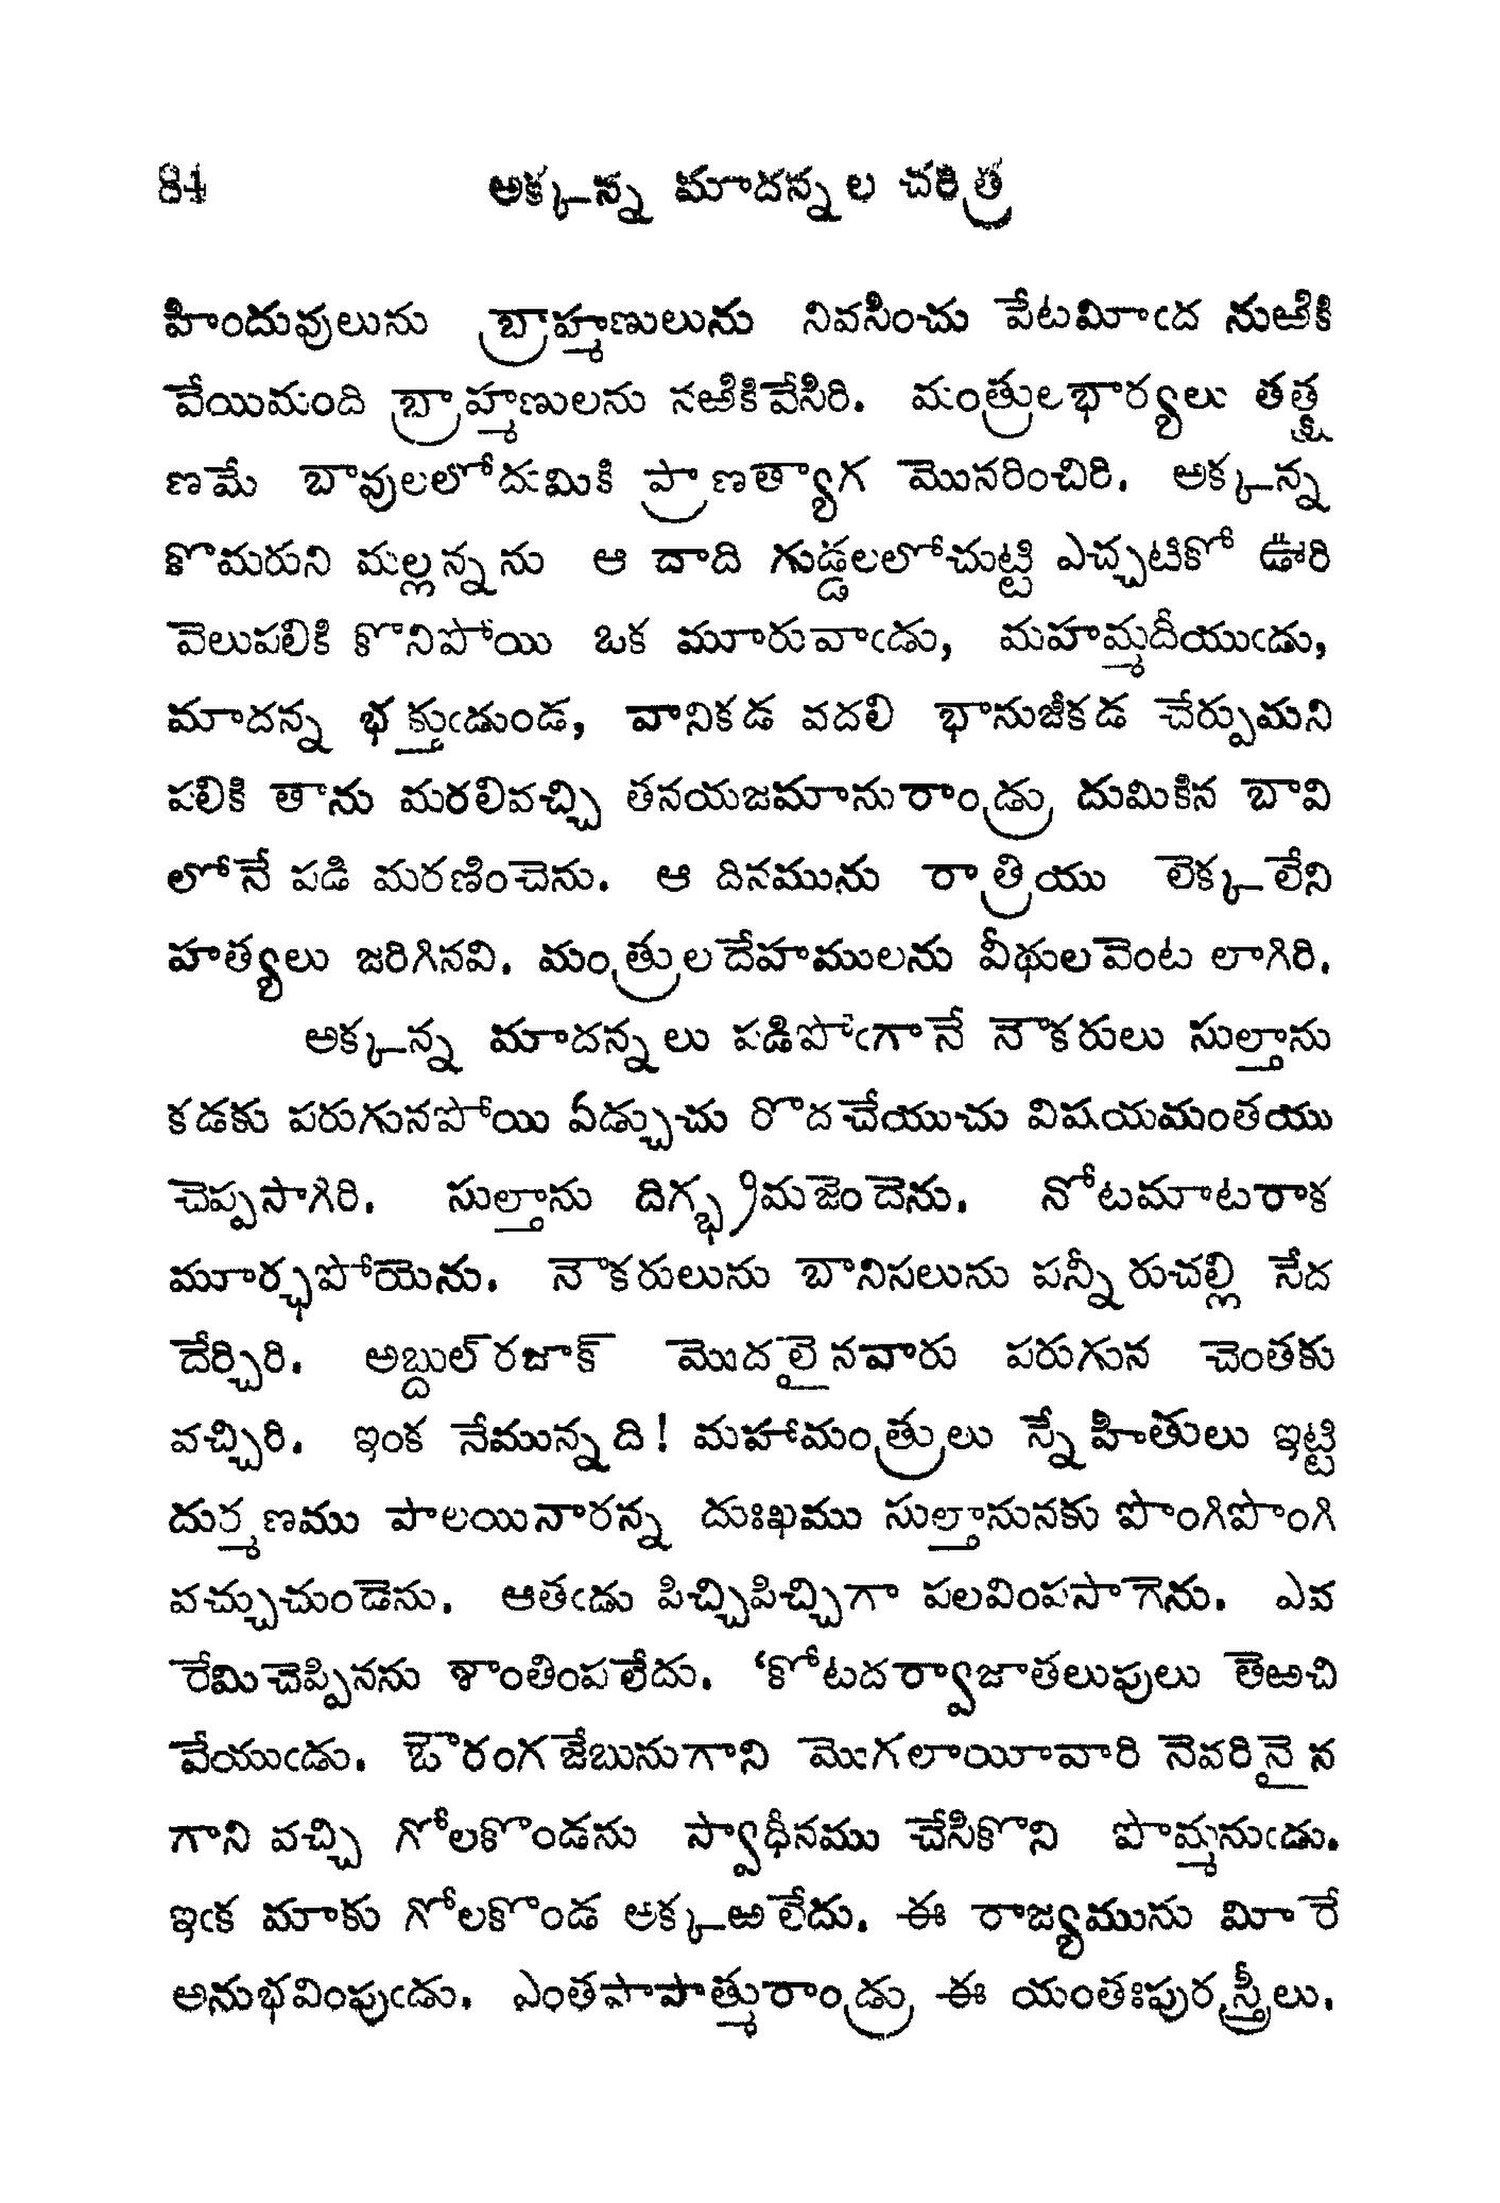హిందువులును బ్రాహ్మణులును నివసించు పేటమీఁద నుఱికి వేయిమంది బ్రాహ్మణులను నఱికివేసిరి. మంత్రులభార్యలు తత్క్షణమే బావులలోదుమికి ప్రాణత్యాగ మొనరించిరి. అక్కన్న కొమరుని మల్లన్నను ఆ దాది గుడ్డలలోచుట్టి ఎచ్చటికో ఊరి వెలుపలికి కొనిపోయి ఒక మూరువాఁడు, మహమ్మదీయుఁడు, మాదన్న భక్తుఁడుండ, వానికడ వదలి భానుజీకడ చేర్పుమని పలికి తాను మరలివచ్చి తనయజమానురాండ్రు దుమికిన బావిలోనే పడి మరణించెను. ఆ దినమును రాత్రియు లెక్కలేని హత్యలు జరిగినవి. మంత్రులదేహములను వీథులవెంట లాగిరి.

అక్కన్న మాదన్నలు పడిపోఁగానే నౌకరులు సుల్తాను కడకు పరుగునపోయి ఏడ్చుచు రొదచేయుచు విషయమంతయు చెప్పసాగిరి. సుల్తాను దిగ్భ్రమజెందెను. నోటమాటరాక మూర్ఛపోయెను. నౌకరులును బానిసలును పన్నీరుచల్లి సేద దేర్చిరి. అబ్దుల్‌రజాక్ మొదలైనవారు పరుగున చెంతకు వచ్చిరి. ఇంక నేమున్నది! మహామంత్రులు స్నేహితులు ఇట్టి దుర్మణము పాలయినారన్న దుఃఖము సుల్తానునకు పొంగిపొంగి వచ్చుచుండెను. ఆతఁడు పిచ్చిపిచ్చిగా పలవింపసాగెను. ఎవరేమిచెప్పినను శాంతింపలేదు. ‘కోటదర్వాజాతలుపులు తెఱచి వేయుఁడు. ఔరంగజేబునుగాని మొగలాయీవారి నెవరినైన గాని వచ్చి గోలకొండను స్వాధీనము చేసికొని పొమ్మనుఁడు. ఇఁక మాకు గోలకొండ అక్కఱలేదు. ఈ రాజ్యమును మీరే అనుభవింపుఁడు. ఎంతపాపాత్మురాండ్రు ఈ యంతఃపురస్త్రీలు.